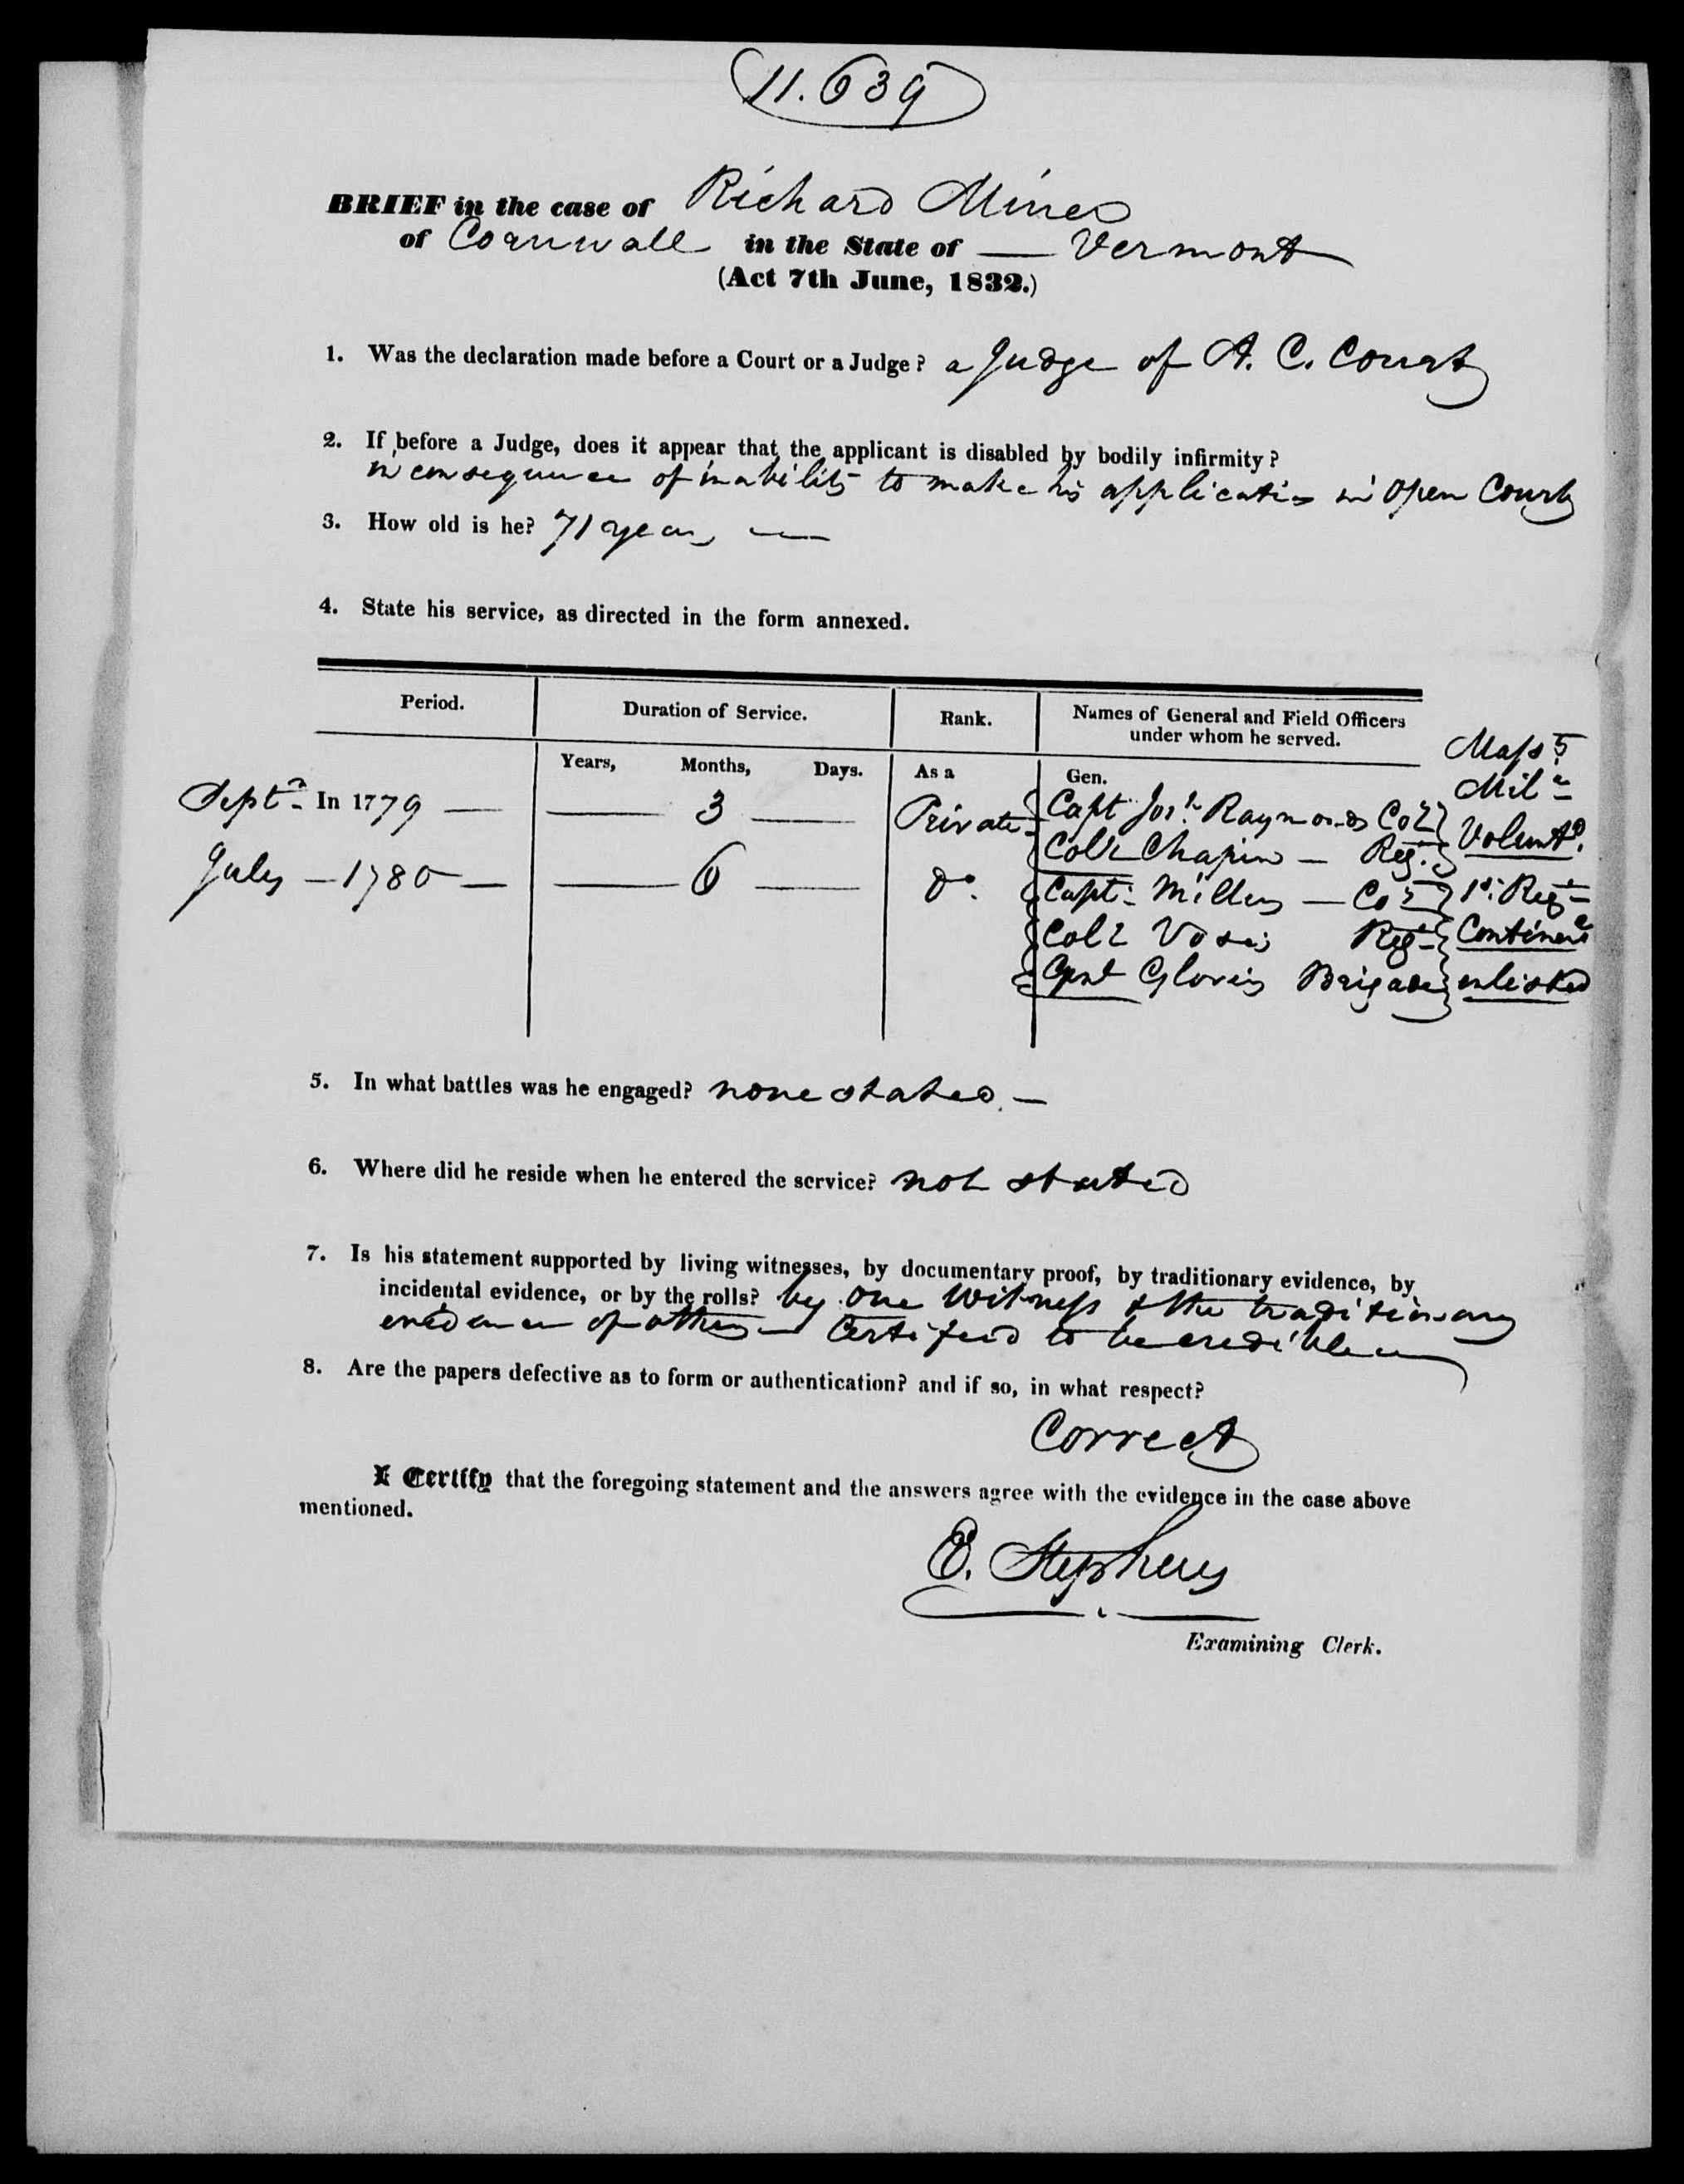11.639
Brief in the case of Richard Miner of Cornwall in the State of Vermont (Act 7th June 1832)
1. Was the declaration made before a Court or a Judge? A Judge of A.C. Court
2. If before a Judge, does it appear that the applicant is disabled by bodily infirmity? In consequence of inability to make his application in Open Court
3. How old is he? 71 years
4. State his service, as direction in the form annexed.
Period Duration of Service Rank Name of General and Field Officers under whom he served
Years, Months, Days
Sept in 1779 3 months As a Private
Capt. Jos. Raymond Co.2 May 5 Militia Volunt.
Col. Chapin Reg.
July 1780 6 months as a O
Capt. Miller Co. 5
Col. Rosa Ref. 
Genl Glovis Brigade
1st Reg. Continental enlisted
5. In what battles was he engaged? None stated
6. Where did he reside when he entered the service? Not stated
7. In his statement supported by living witnesses, by documentary proof, by traditionary evidence, by incidental evidence or by the rolls? by one witness and the traditionary evidence of others certified to be credible
8. Are the papers defective as to form or authentication? And if so, in what respect?
Correct
I Certify that the foregoing statement and the answers agree with the evidence in the case above mentioned. 
E. Stephens Examining Clerk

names: [BLANK] Miller; [BLANK] Vose; [BLANK] Chapin; Richard Miner; E Stephens; Josh Raymond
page: 9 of 34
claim: survivor's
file: S. 13944, for Richard Miner, Massachusetts